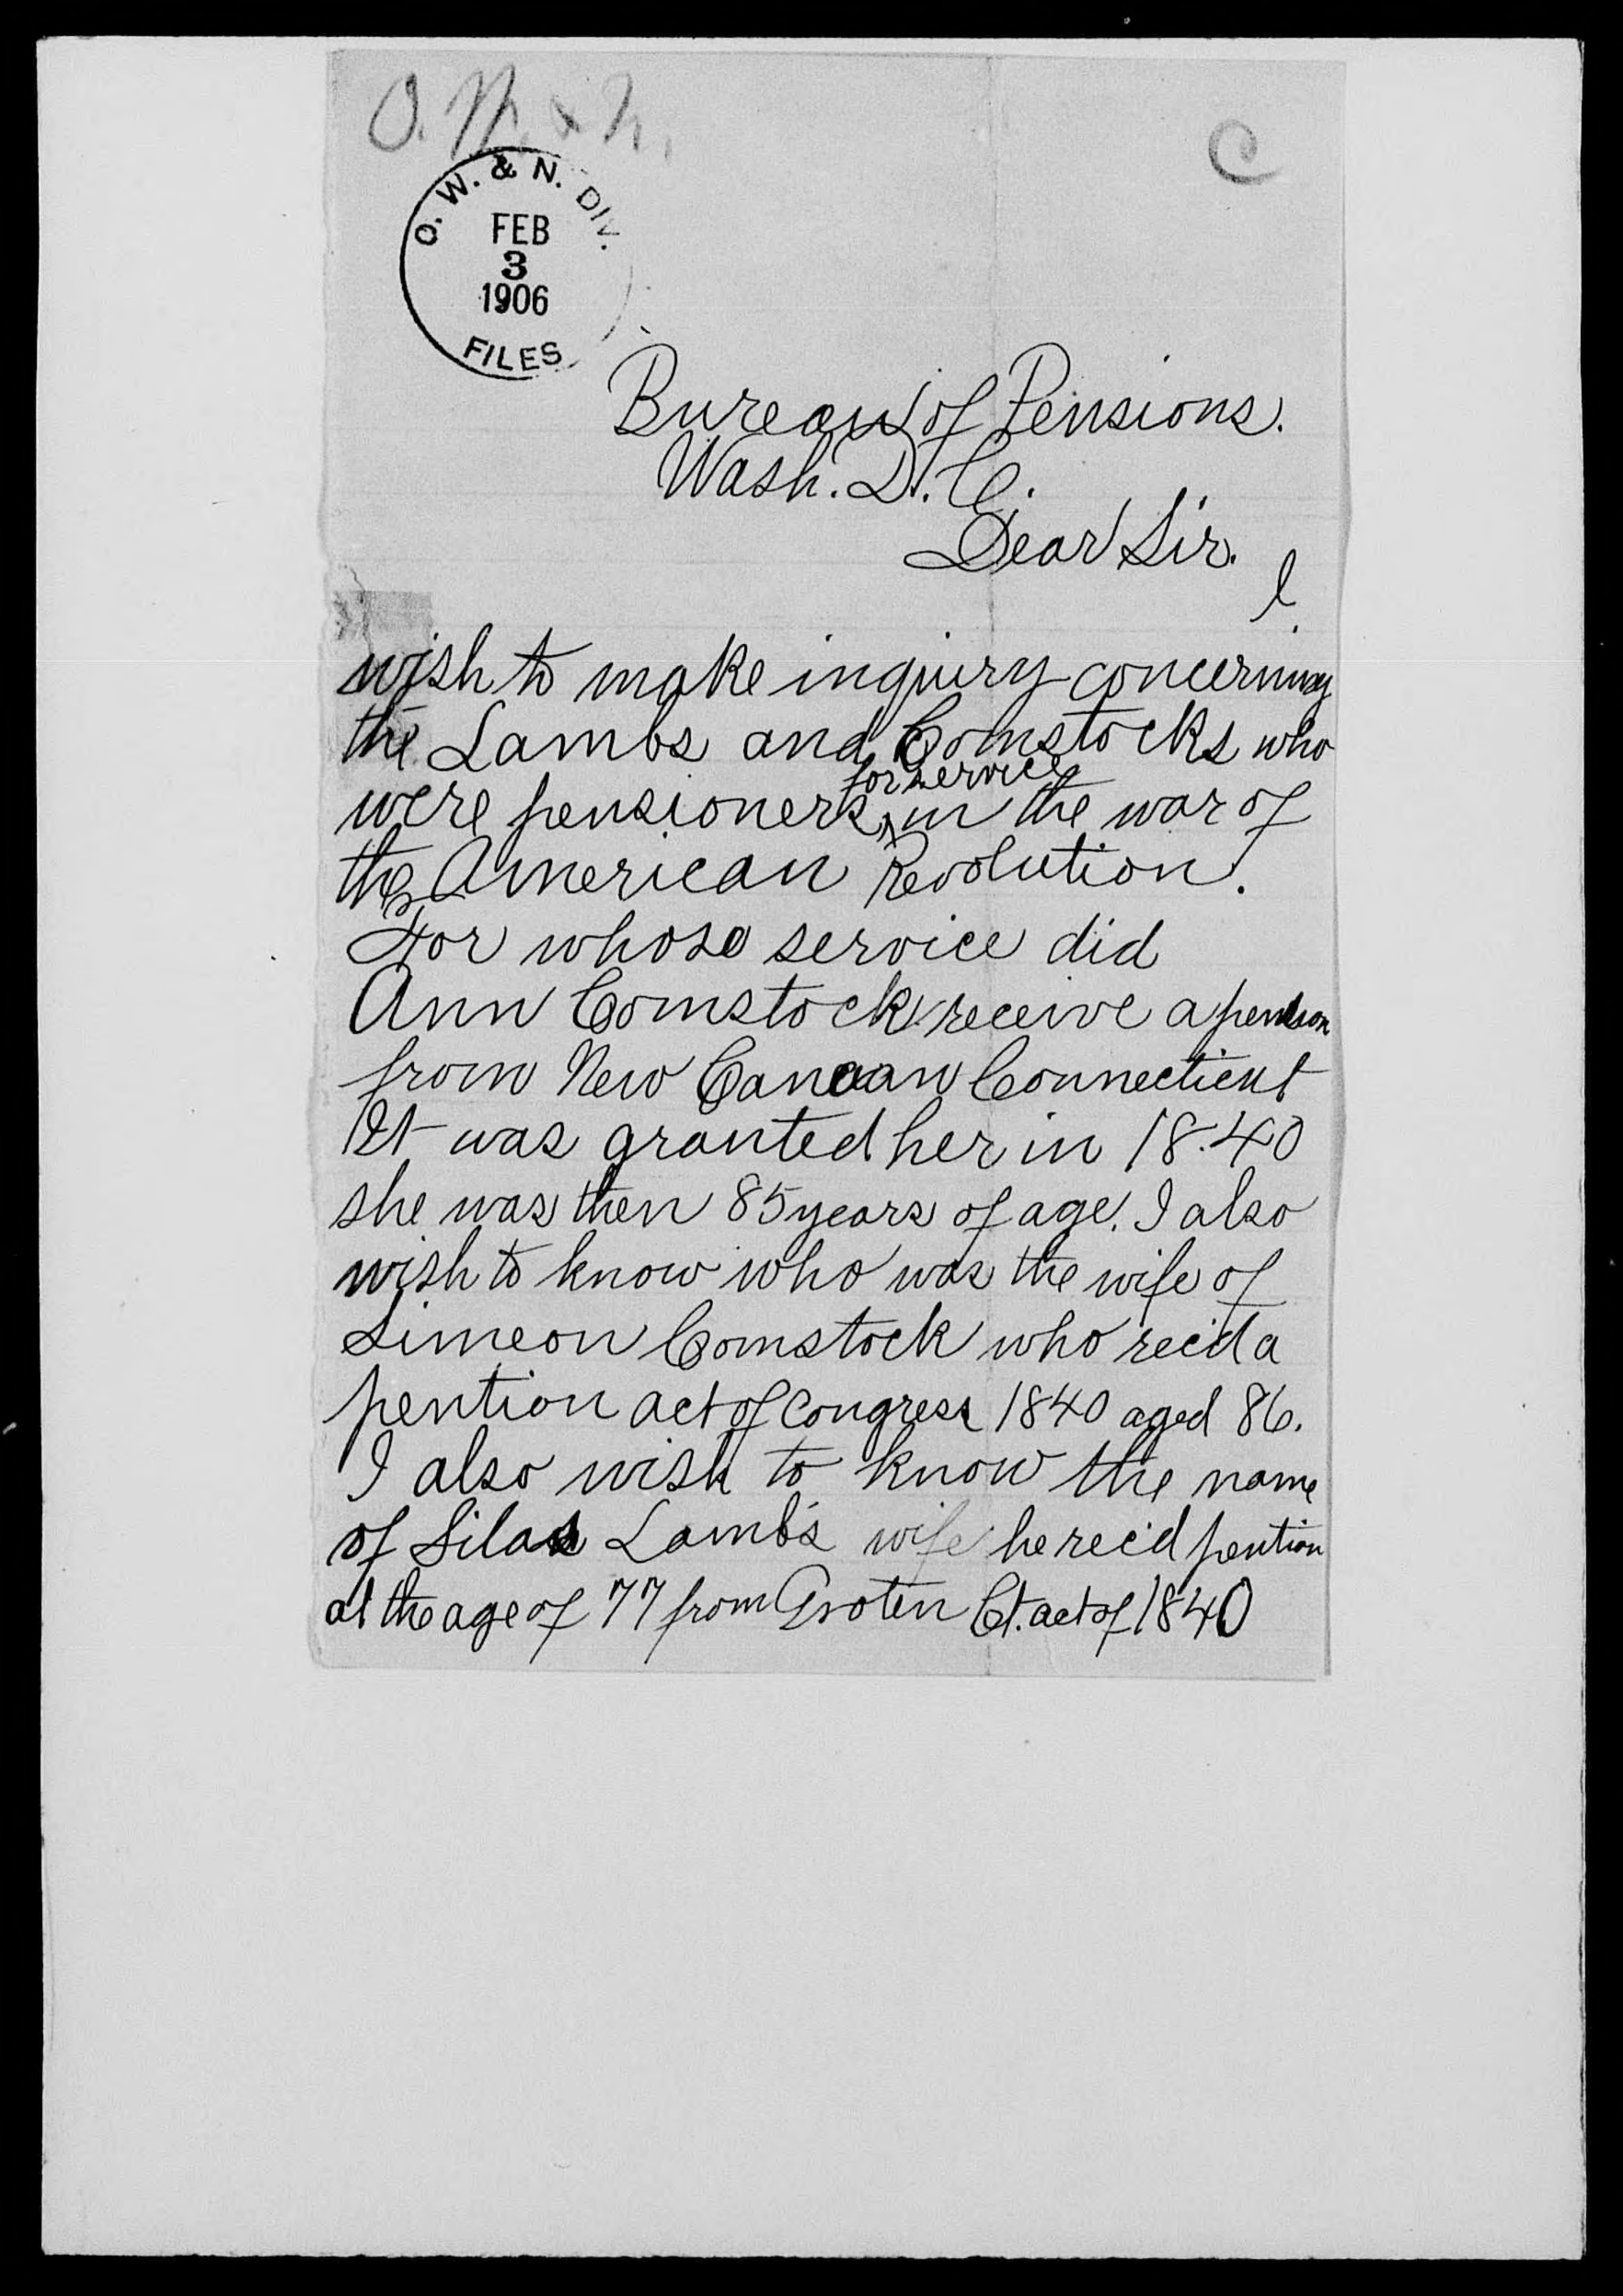O. W. & N.  C

[circular stamp] O. W. & N. DIV.
FEB
3
1906
FILES

Bureau of Pensions.
Wash. D. C.
Dear Sir,

I wish to make inquiry concerning the Lambs and Comstocks who were pensions ^for service in the war of the American Revolution. For whose service did Ann Comstock recieve a pension from New Canaan Connecticut It was granted her in 1840 she was then 85 years of age. I also wish to know who was the wife of Simeon Comstock who rec'd a pention act of Congress 1840 aged 86. I also wish to know the name of Silas Lamb's wife he rec'd pention at the age of 77 from Groton Ct. act of 1840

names: Silas Lamb, Comstock, Simeon Comstock, Ann Comstock, Lamb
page: 25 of 43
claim: widow's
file: W. 17,647, Aaron Comstock, Conn.